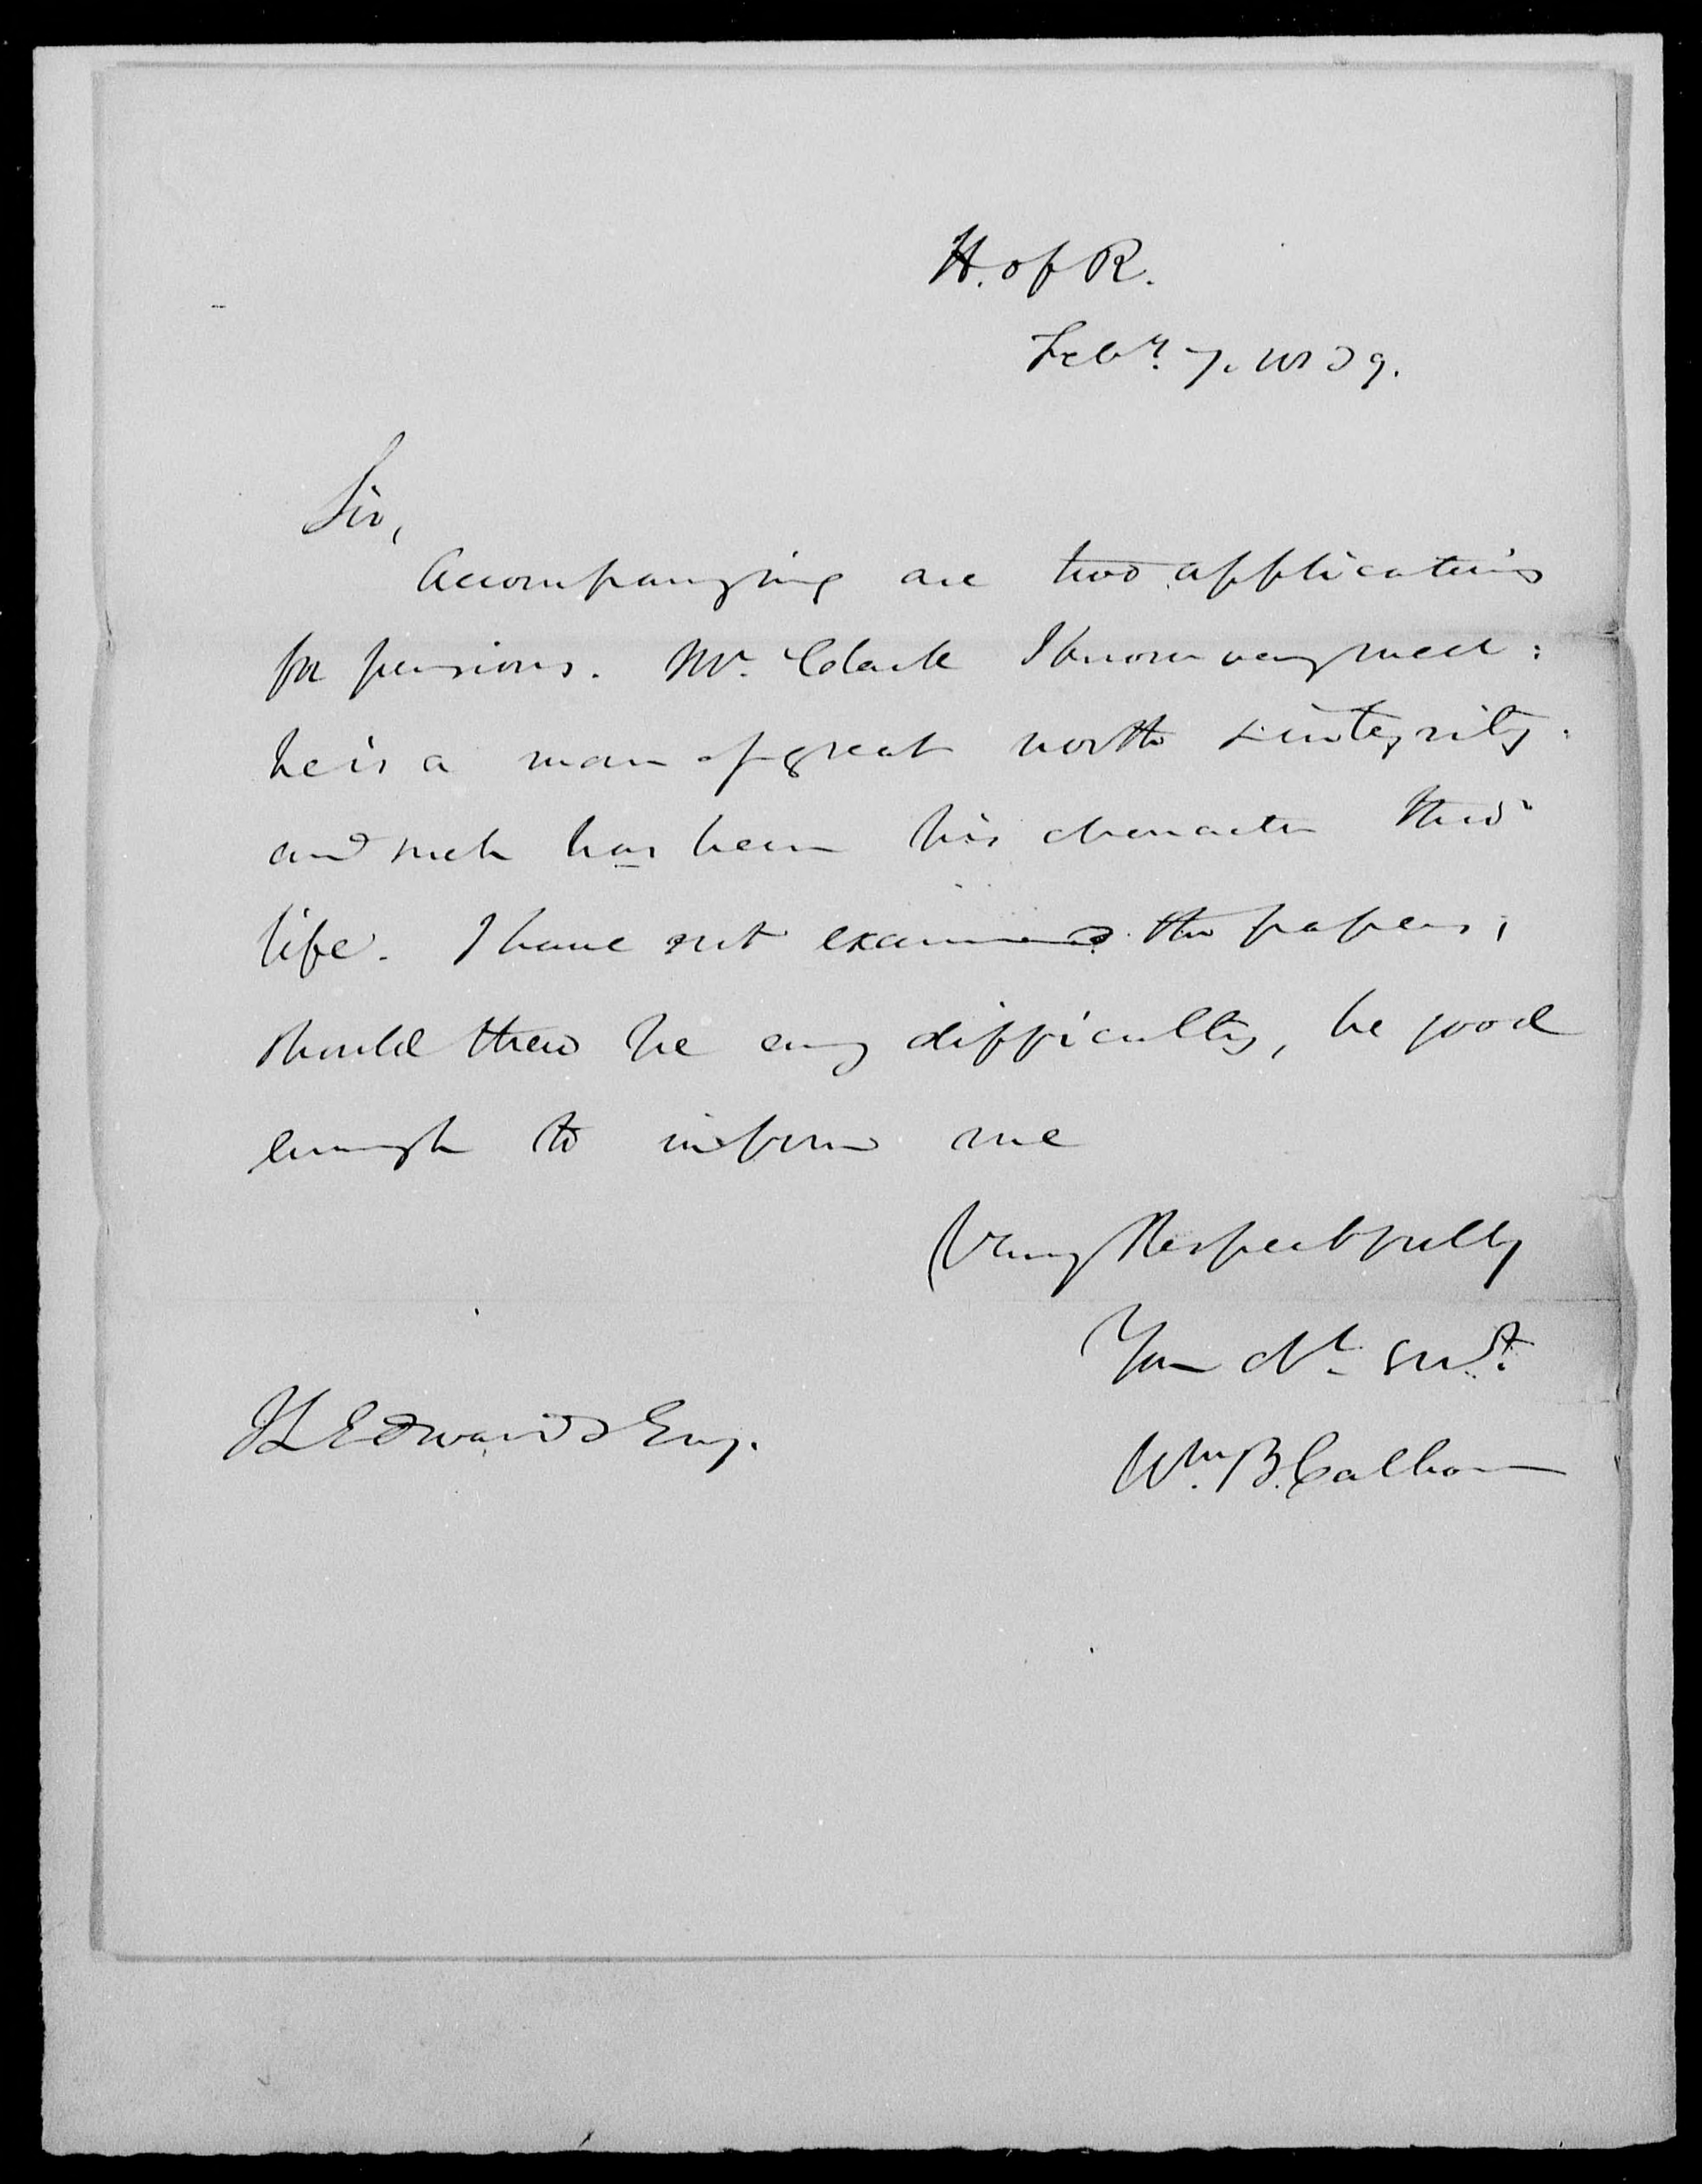H. of R. Febr 7. 1829 

Sir
accompanying are two application for pension. Mr Clark I know very well he is a man of great worth & integrity and such has been his character this life. I have not examined the papers, should there be any difficulty, be good enough to inform me 
Very Respectfully you Obt Servt 
Wm B. Calhoun

J L Edwards Esq.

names: Clark, J L Edwards, Wm B Clahoun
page: 18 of 48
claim: survivor's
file: S. 17343, Lemuel Clarke, Mass.